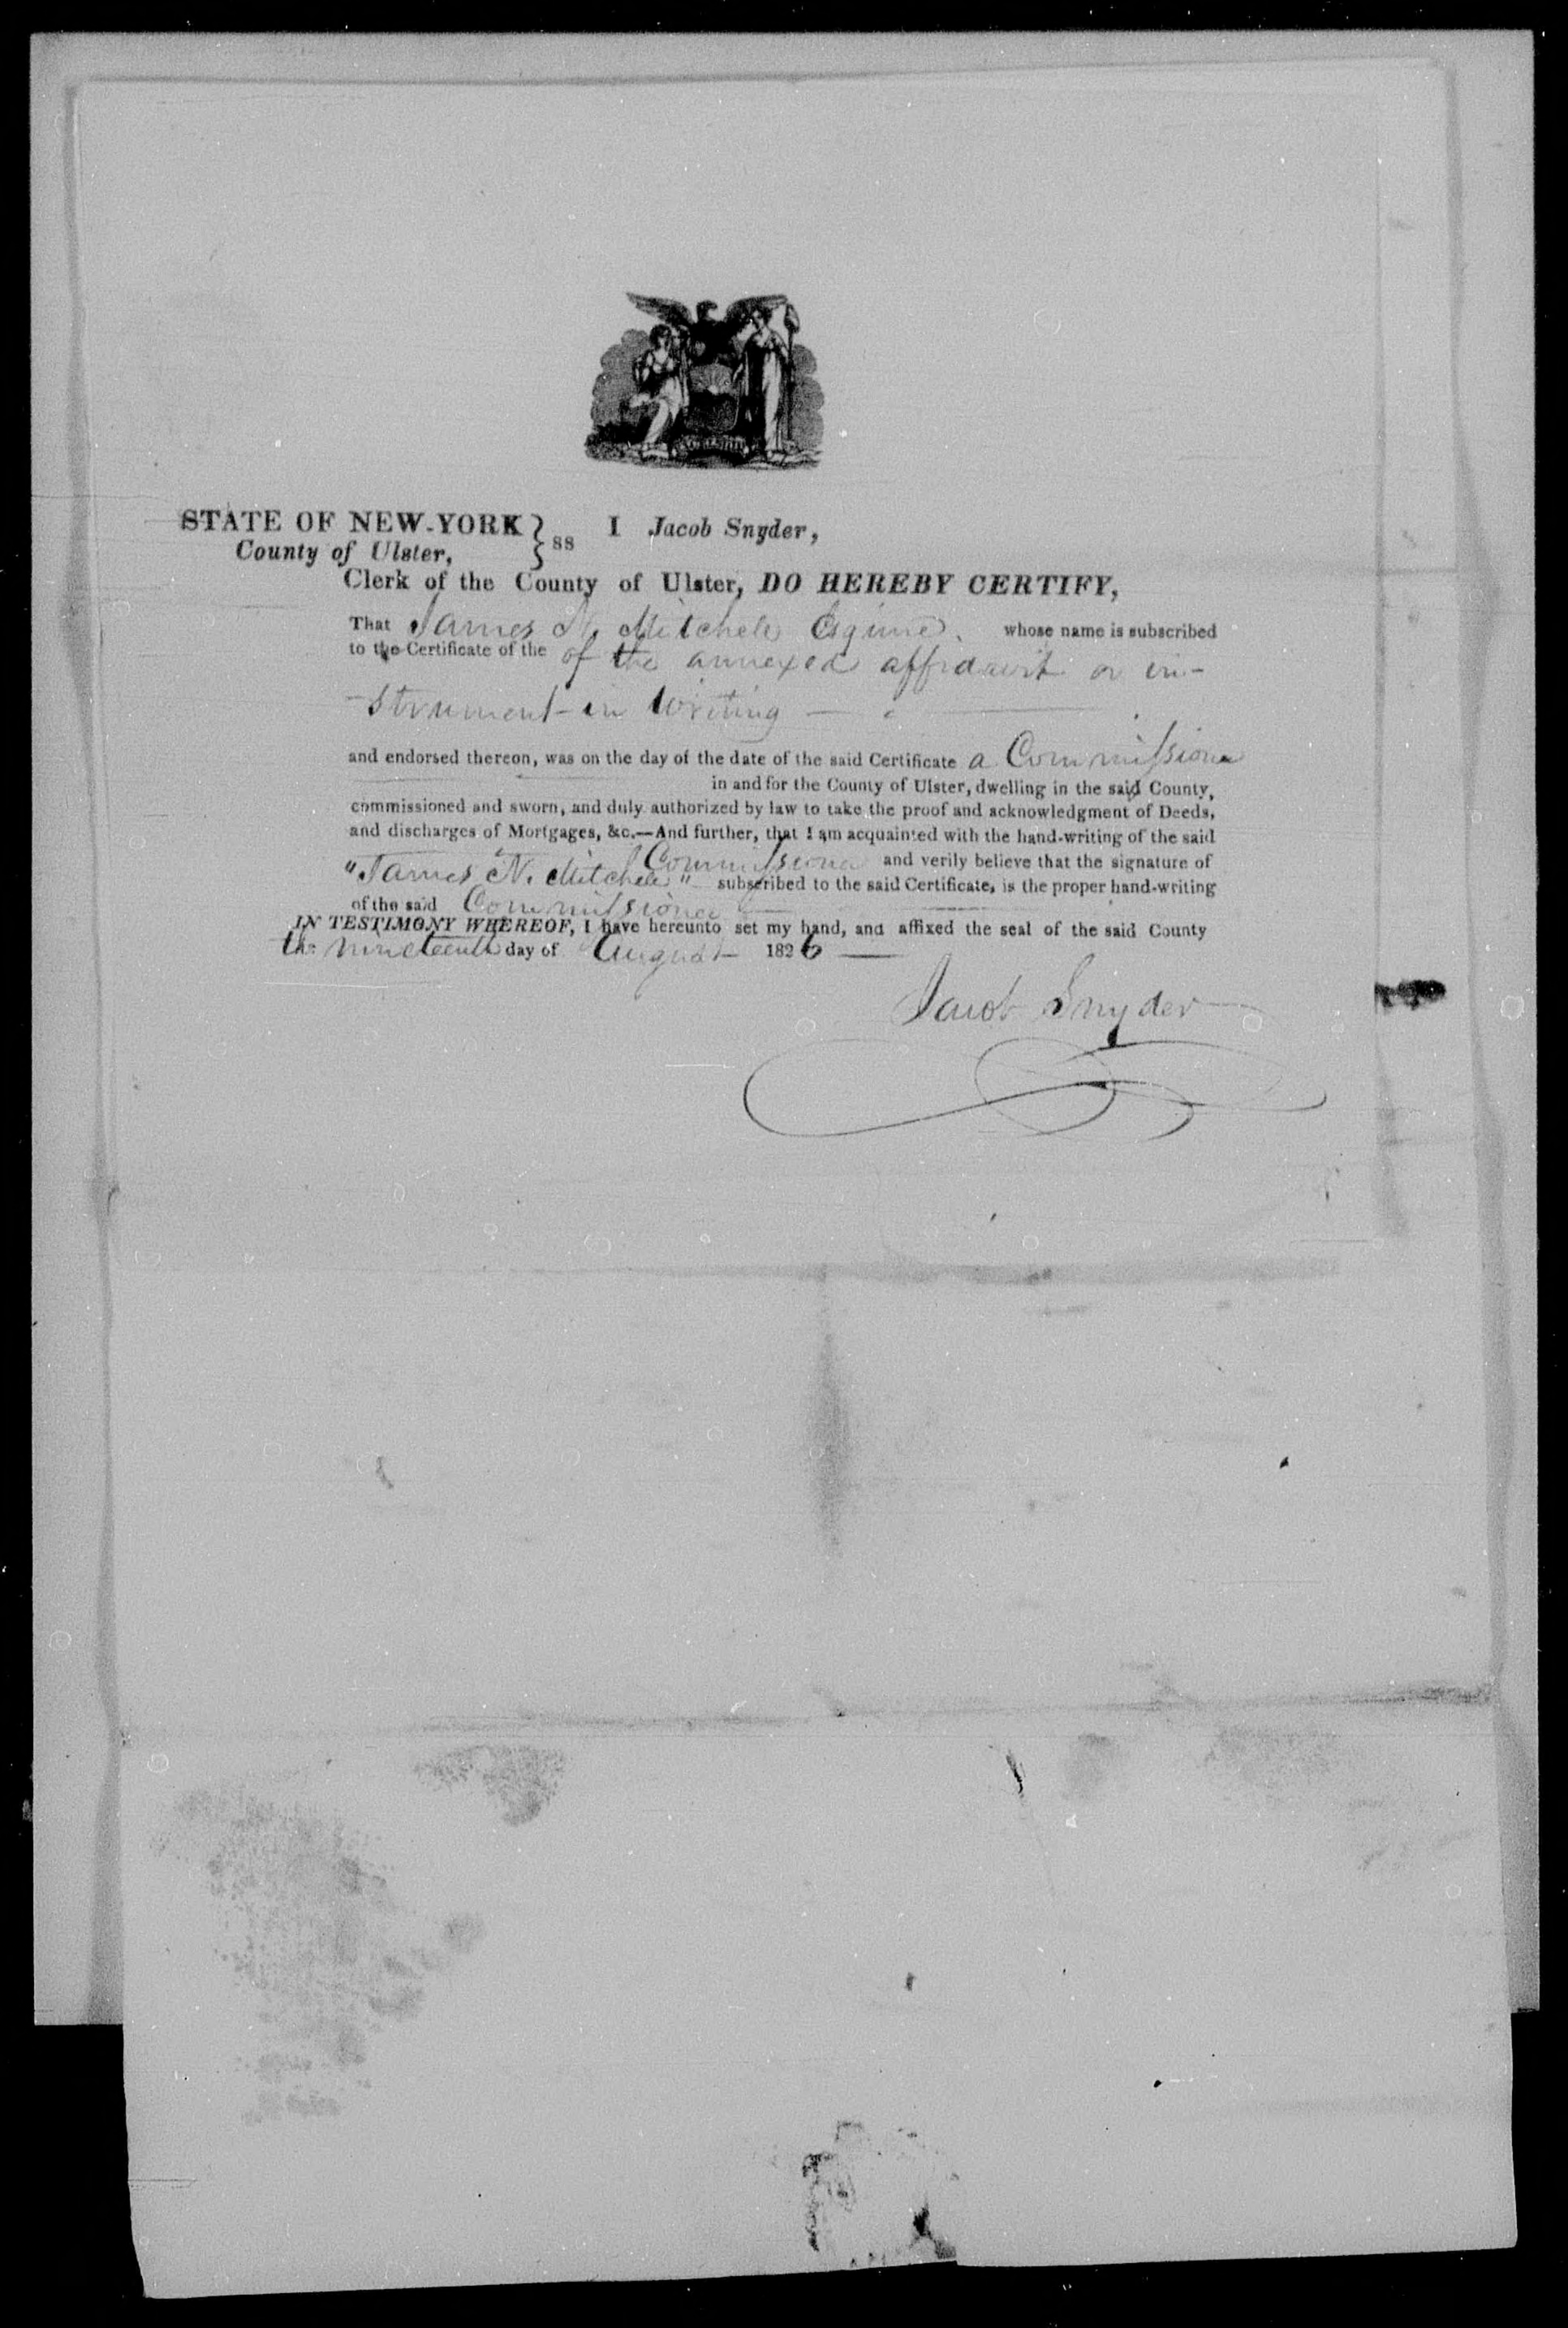STATE OF
NEW YORK
County of Ulster

I Jacob Snyder,
Clerk of the County of Ulster, DO HEREBY CERTIFY,
That James Mitchell Esquire, whose name is subscribed
to the Certificate of the of the annexed affidavit or instrument in writing and
endorsed thereon, was on the day of the date of the said Certificate a Commissioner
in and for the County of Ulster, dwelling in the said County,
commissioned and sworn, and duly authorized by law to take the proof and acknowledgment of Deeds,
and discharges of Mortgages, &c. -- And further, that I am acquainted with the hand-writing of the said
Commission and verily believe that the signature of James N. Mitchell
subscribed to the said Certificate, is the proper handwriting
of the said Commissioner
IN TESTIMONY WHEREOF, I have hereunto set my hand, and affixed the seal of the said County
the Nineteenth day of August 1826
Jacob Snyder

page: 31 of 64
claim: survivor's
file: S. 42,464, for William Terwilliger, New York